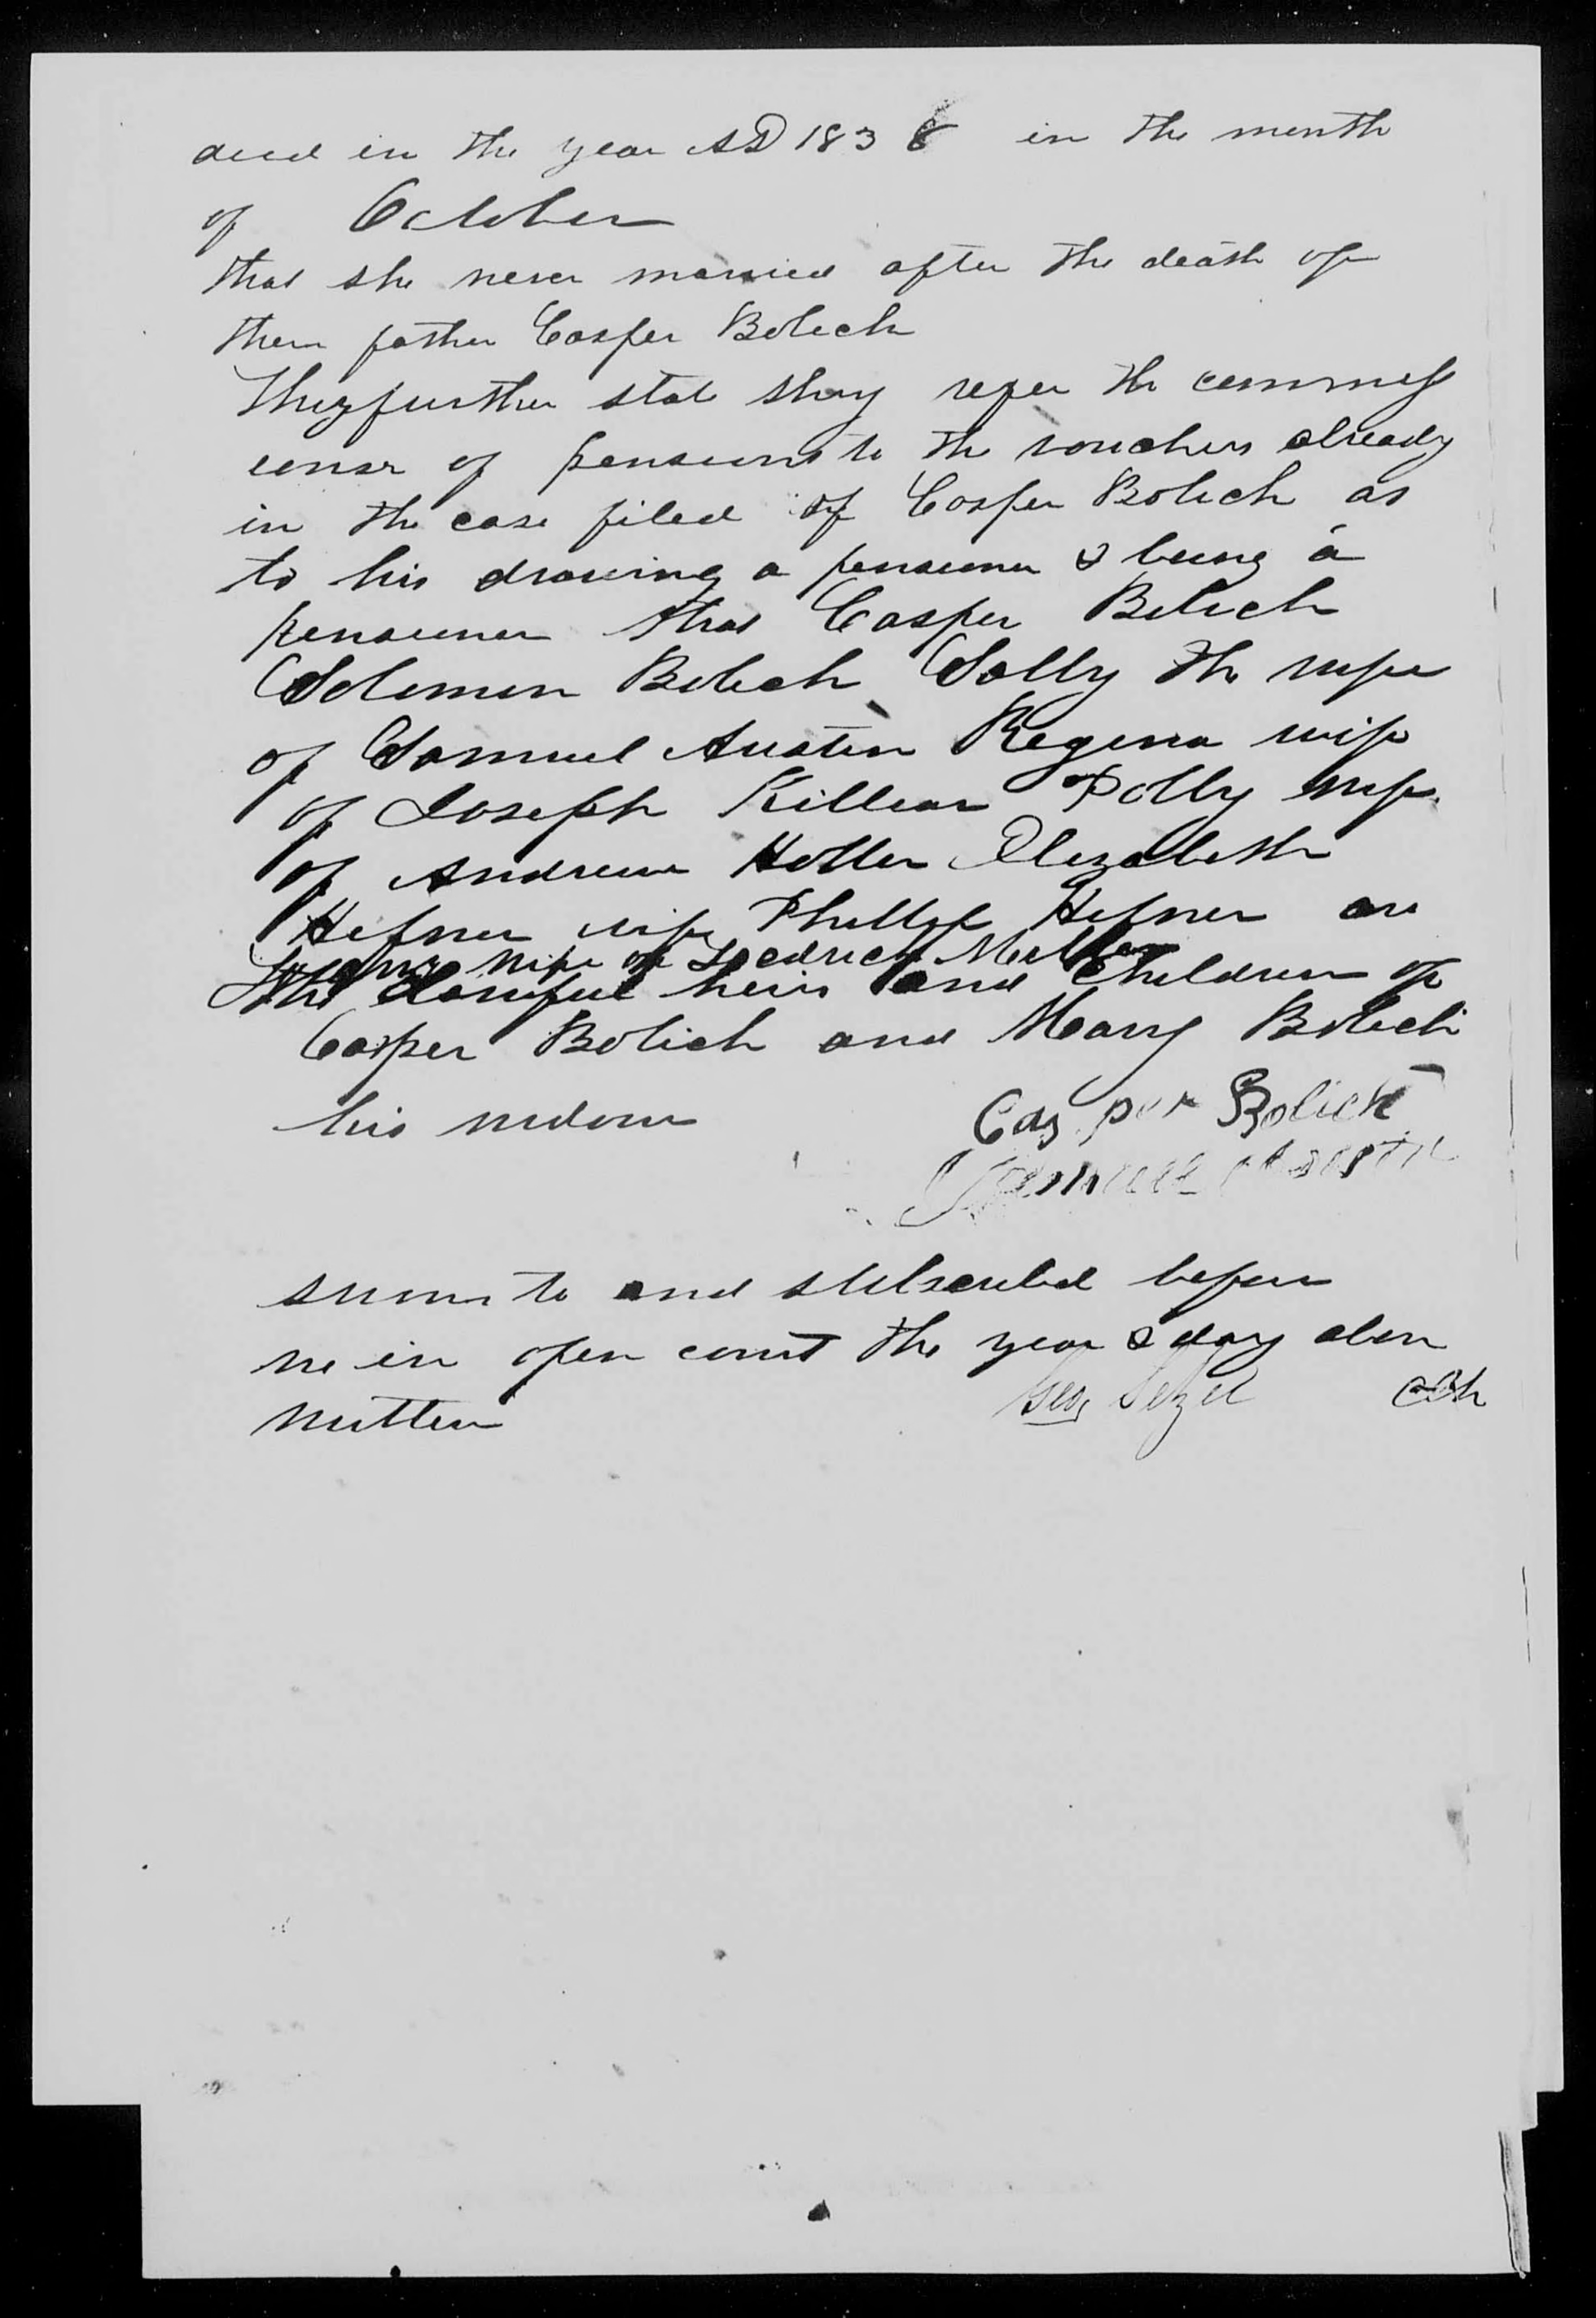died in the year A. D. 1838 in the month of October. That she never married after the death of their father Casper Bolick. They further state they refer the commissioner of Pensions to the vouchers already in the case filed of Casper Bolick as to his drawing a pension & being a pensioner that Casper Bolick , Coleman Bolick, Sally the wife of Samuel Austin, Regina wife of Joseph Killear Polly wife of Andrew Holler Elizabeth Hefner wife Phillip Hefner and Fanny wife of Fredrick Miller The lawful heirs and children of Casper Bolick and Mary Bolick his widow. [Signatures]
Casper Bolick  Samuel Austin
Sworn to and subscribed before me in open court the year & day above written
[Signature] Geo. Setzer Clk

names: Phillip Hefner, Sophie, Samuel Austin, Regina, Casper Bolech, Fedrich Miller, Casper Bolich, Geo Setzer, Andrew Holler, Mary Bolech, Elizabeth Hefner, Casper Bolick, Casper Bolech, Polly, Joseph Killear, Samuel Austin, Sally, Solomon Bolech, Casper Bolech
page: 5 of 43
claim: widow's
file: W. 18,566, Casper Bolick, N.C.